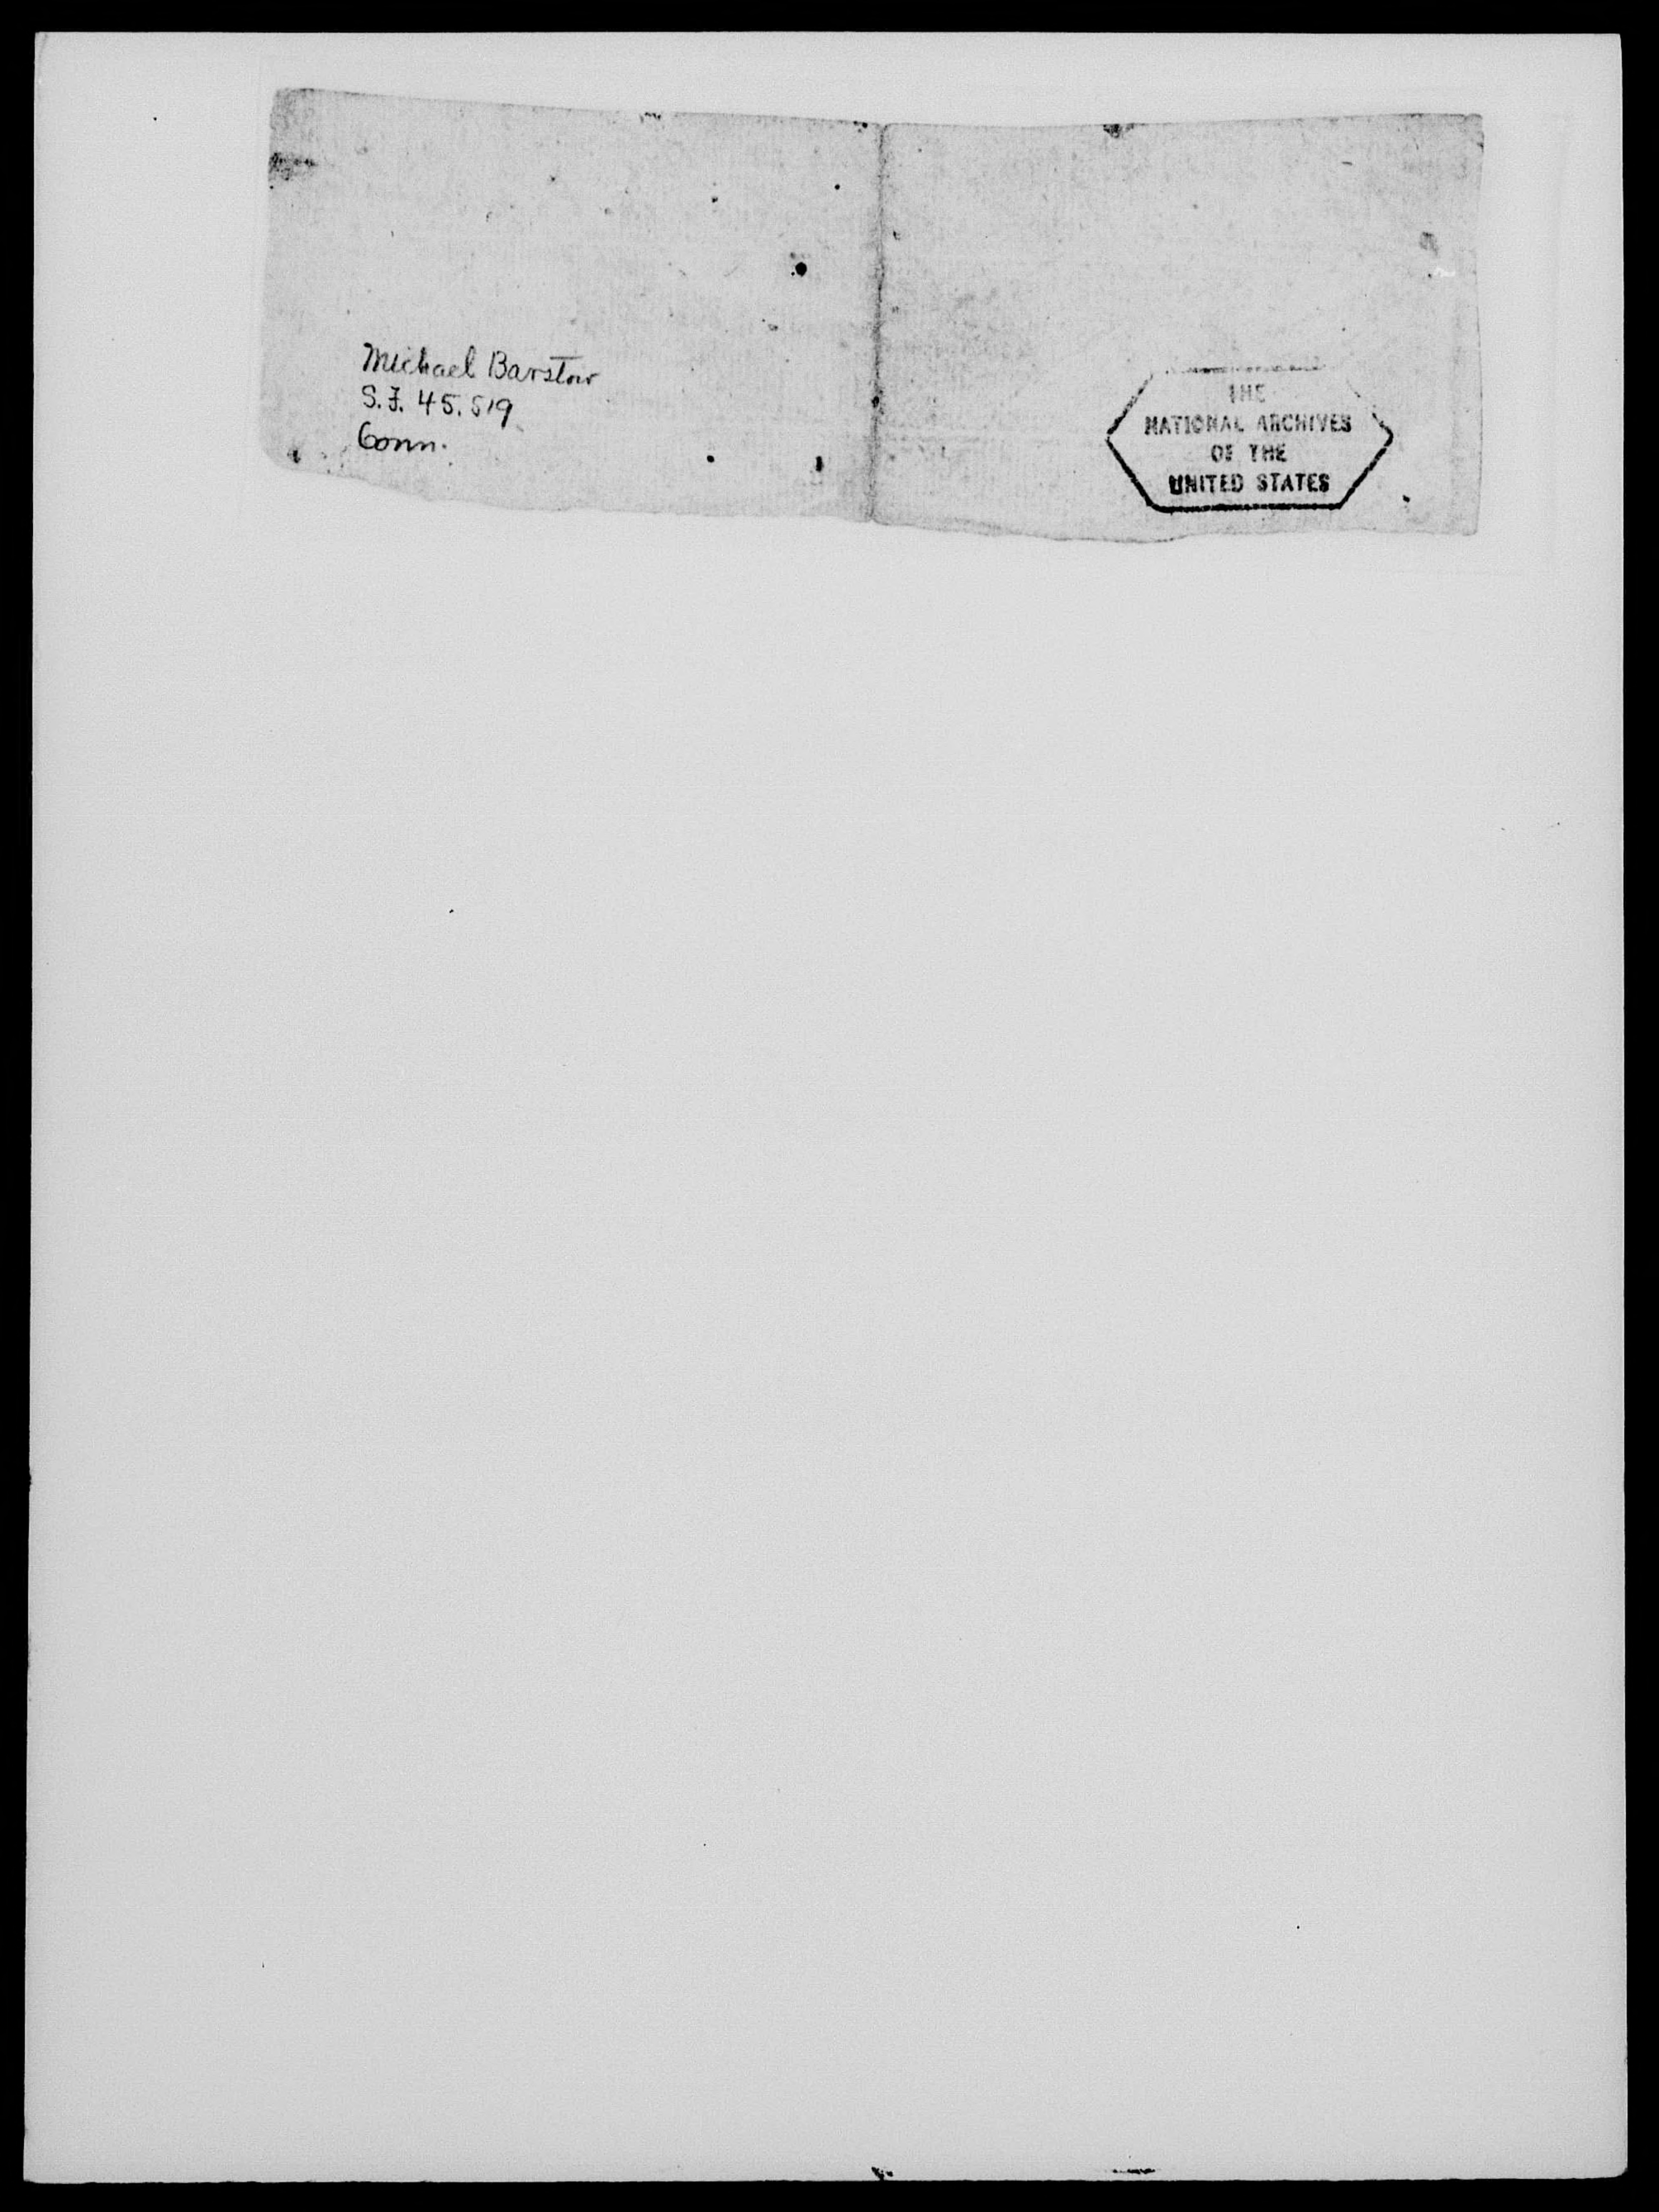Michaell Barstow
S F 45,519
Conn

Stamped: The National Archives of the United States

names: Michael Barstow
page: 12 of 22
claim: survivor's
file: S. 45,519, Michael Barstow, Conn.